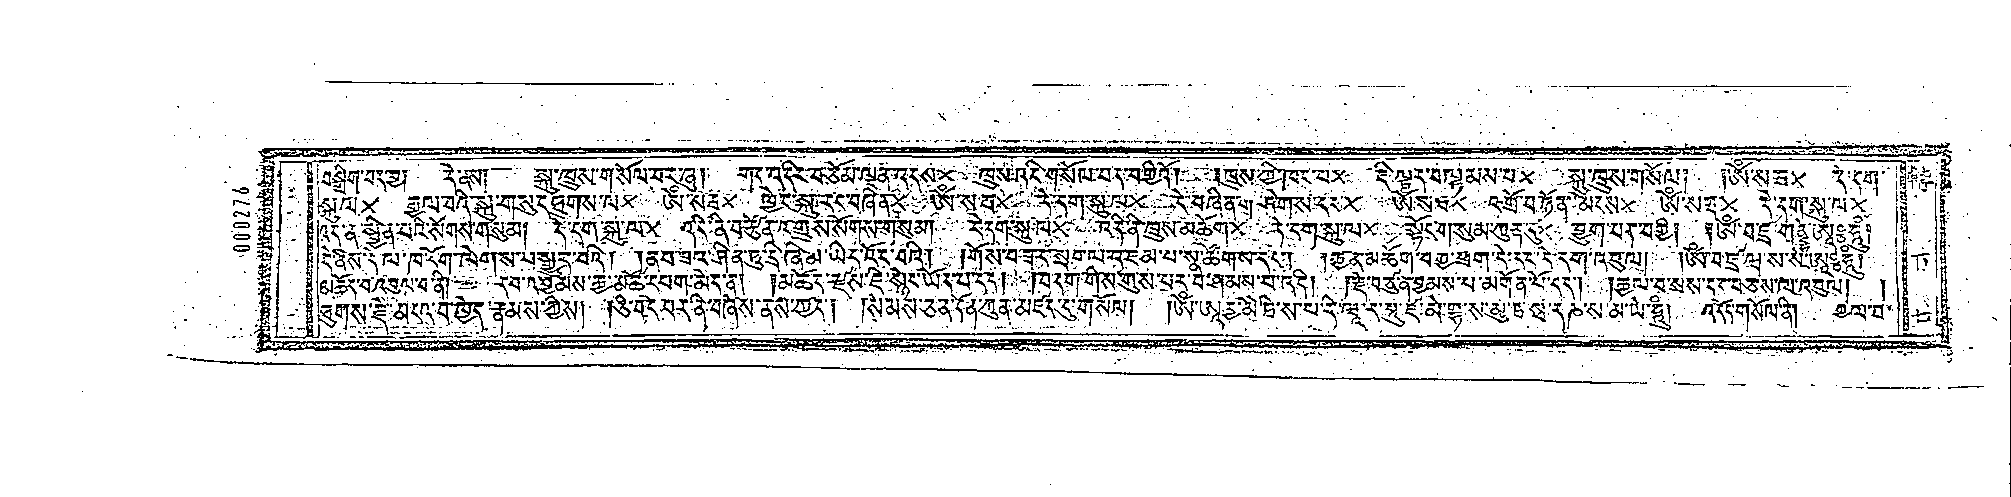བསྒྲིག་བར་བྱ། དེ་ནས། སྐུ་ཁྲུས་གསོལ་བར་ཞུ། གང་འདིར་བཅོམ་ལྡན་འདས་྾་ཁྲུས་འདི་གསོལ་བར་བགྱིའོ། །ཁྲུས་ཀྱི་ཁང་པ་྾་ཇི་ལྟར་བལྟམས་པ་྾་སྐུ་ཁྲུས་གསོལ། །ཨོཾ་སརྦ་྾་དེ་དག་
སྐུལ་྾་རྒྱལ་བའི་སྐུ་གསུང་ཐུགས་ལ་྾་ཨོཾ་སརྦ་྾་ཁྱེད་སྐུ་རང་བཞིན་྾་ཨོཾ་སརྦ་྾་དེ་དག་སྐུ་ལ་྾་དེ་བཞིན་གཤེགས་དང་྾་ཨོཾ་སརྦ་྾་འགྲོ་བ་ཉོན་མོངས་྾་ཨོཾ་སརྦ་྾་དེ་དག་སྐུ་ལ་྾་
འདི་ན་སྦྱིན་པའི་སོགས་གསུམ། དེ་དག་སྐུ་ལ་྾་འདི་ནི་བརྩོན་འགྲུས་སོགས་གསུམ། དེ་དག་སྐུ་ལ་྾་འདི་ནི་ཁྲུས་མཆོག་྾་དེ་དག་སྐུ་ལ་྾་སྟོང་གསུམ་ཀུན་དུ་྾་བྱུག་པར་བགྱི། །ཨོཾ་བཛྲ་གནྡྷེ་ཨཱཿ་ཧཱུཾ།
དེ་ནིས་དེ་ལ་ཁ་དོག་ལེགས་བསྒྱུར་བའི། །ན་བཟའ་ཤིན་ཏུ་དྲི་ཞིམ་ཡིད་འོང་བའི། །གོས་བཟང་སྲབ་ལ་འཇམ་པ་སྣ་ཚོགས་དང་། །རྒྱན་མཆོག་བརྒྱ་ཕྲག་དེ་དང་དེ་དག་འབུལ། །ཨོཾ་བཛྲ་ཝ་ས་སེ་ཨཱཿ་ཧཱུཾ།
མཆོད་པ་འབུལ་བ་ནི། རབ་འབྱམས་རྒྱ་མཚོ་དཔག་མེད་ན། །མཆོད་རྫས་ཇི་སྙེད་ཡོད་པ་དང་། །བདག་གིས་གུས་པར་བཤམས་པ་འདི། །རྗེ་བཙུན་བྱམས་པ་མགོན་པོ་དང་། །རྒྱལ་བ་སྲས་དང་བཅས་ལ་འབུལ། །
ཐུགས་རྗེ་མངའ་བ་ཁྱེད་རྣམས་ཀྱིས། །ཅི་བདེ་པར་ནི་བཞེས་ནས་ཀྱང་། །སེམས་ཅན་དོན་ཀུན་མཛད་དུ་གསོལ། །ཨོཾ་ཨཱདྱ་མཻ་ཏྲི་ས་པ་རི་ཝཱ་ར་པཱུ་ཛ་མེ་གྷ་ས་མུ་ཏྲ་སྥ་རཎ་ས་མ་ཡེ་ཧཱུཾ། འདོད་གསོལ་ནི། རྒྱལ་བ་